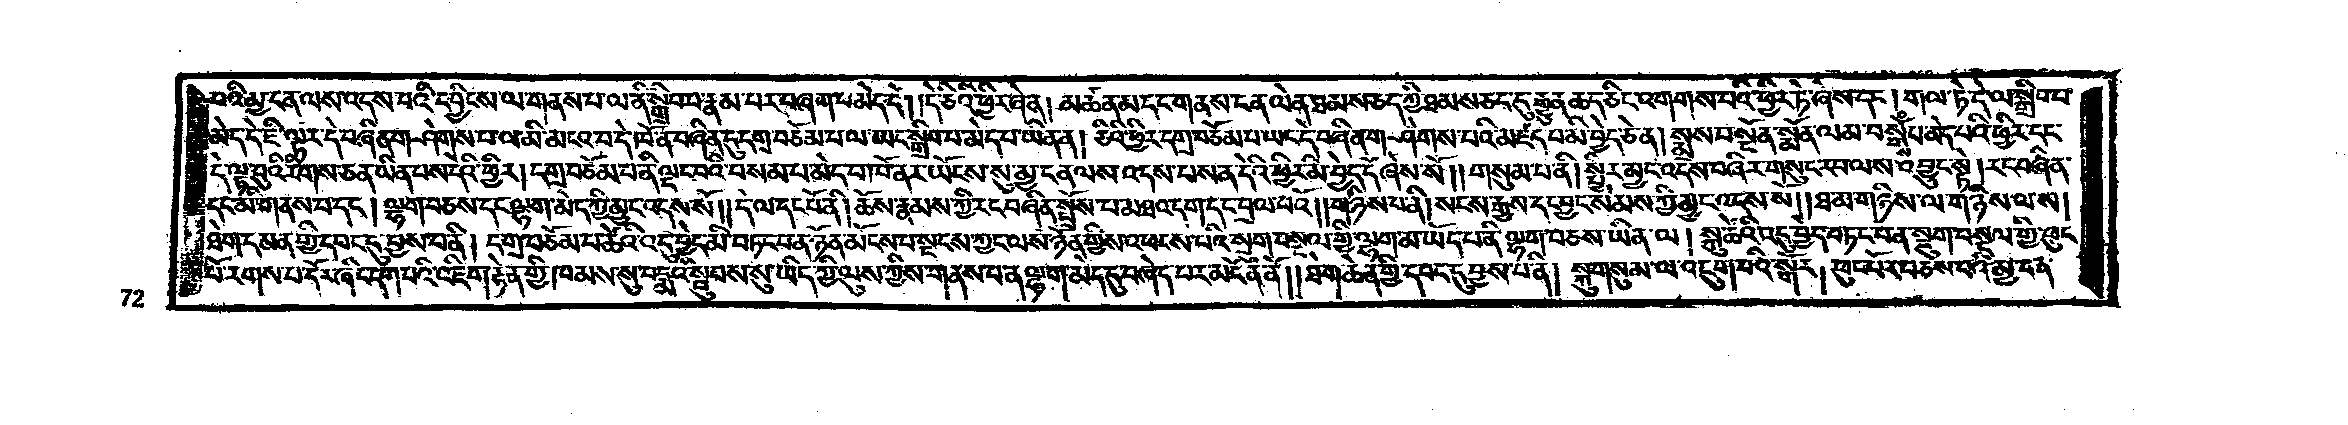པའི་མྱ་ངན་ལས་འདས་པའི་དབྱིངས་ལ་གནས་པ་ལ་ནི་སྒྲིབ་པ་རྣམ་པར་བཞག་པ་མེད་དོ། །དེ་ཅིའི་ཕྱིར་ཞེ་ན། མཚན་མ་དང་གནས་ངན་ལེན་ཐམས་ཅད་ཀྱི་ཐམས་ཅད་དུ་རྒྱུན་ཆད་ཅིང་འགགས་པའི་ཕྱིར་ཏེ་ཞེས་དང་། གལ་ཏེ་དེ་ལ་སྒྲིབ་པ་
མེད་དེ་ཇི་ལྟར་དེ་བཞིན་གཤེགས་པ་ལ་མི་མངའ་བ་དེ་ཁོ་ན་བཞིན་དུ་དགྲ་བཅོམ་པ་ལ་ཡང་སྒྲིབ་པ་མེད་པ་ཡིན་ན། ཅིའི་ཕྱིར་དགྲ་བཅོམ་པ་ཡང་དེ་བཞིན་གཤེགས་པའི་མཛད་པ་མི་བྱེད་ཅེ་ན། སྨྲས་པ་སྔོན་སྨོན་ལམ་བསྒོམས་པ་མེད་པའི་ཕྱིར་དང་
དེ་ལྟ་བུའི་རིགས་ཅན་ཡིན་པས་དེའི་ཕྱིར། དགྲ་བཅོམ་པ་ནི་ལྡང་བའི་བསམ་པ་མེད་པ་ཁོ་ནར་ཡོངས་སུ་མྱ་ངན་ལས་འདས་པས་ན་དེའི་ཕྱིར་མི་བྱེད་དོ་ཞེས་སོ། །གསུམ་པ་ནི། སྤྱིར་མྱང་འདས་བཞིར་གསུང་རབ་ལས་འབྱུང་སྟེ། རང་བཞིན་
དང་མི་གནས་པ་དང་། ལྷག་བཅས་དང་ལྷག་མེད་ཀྱི་མྱང་འདས་སོ། །དེ་ལ་དང་པོ་ནི། ཆོས་རྣམས་ཀྱི་རང་བཞིན་སྤྲོས་པ་མཐའ་དག་དང་བྲལ་པའོ། །གཉིས་པ་ནི། སངས་རྒྱས་དང་བྱང་སེམས་ཀྱི་མྱང་འདས་སོ། །ཐ་མ་གཉིས་ལ་གཉིས་ལས།
ཐེག་དམན་གྱི་དབང་དུ་བྱས་པ་ནི། དགྲ་བཅོམ་པ་ཚེའི་འདུ་བྱེད་མ་བཏང་བ་ན་ཉོན་མོངས་པ་སྤངས་ཀྱང་ལས་ཉོན་གྱིས་འཕངས་པའི་སྡུག་བསྔལ་གྱི་ལྷག་མ་ཡོད་པ་ནི་ལྷག་བཅས་ཡིན་ལ། སྐུ་ཚེའི་འདུ་བྱེད་བཏང་བ་ན་སྡུག་བསྔལ་གྱི་ཕུང་
པོ་རགས་པ་དོར་ཞིང་དག་པའི་འཇིག་རྟེན་གྱི་ཁམས་སུ་པདམའི་སྦུབས་སུ་ཡིད་ཀྱི་ལུས་ཀྱིས་གནས་པ་ན་ལྷག་མེད་དུ་བཞེད་པར་མངོན་ནོ། །ཐེག་ཆེན་གྱི་དབང་དུ་བྱས་པ་ནི། སྐུ་གསུམ་ལ་འཇུག་པའི་སྒོར། ཕུང་པོར་བཅས་པའི་མྱ་ངན་